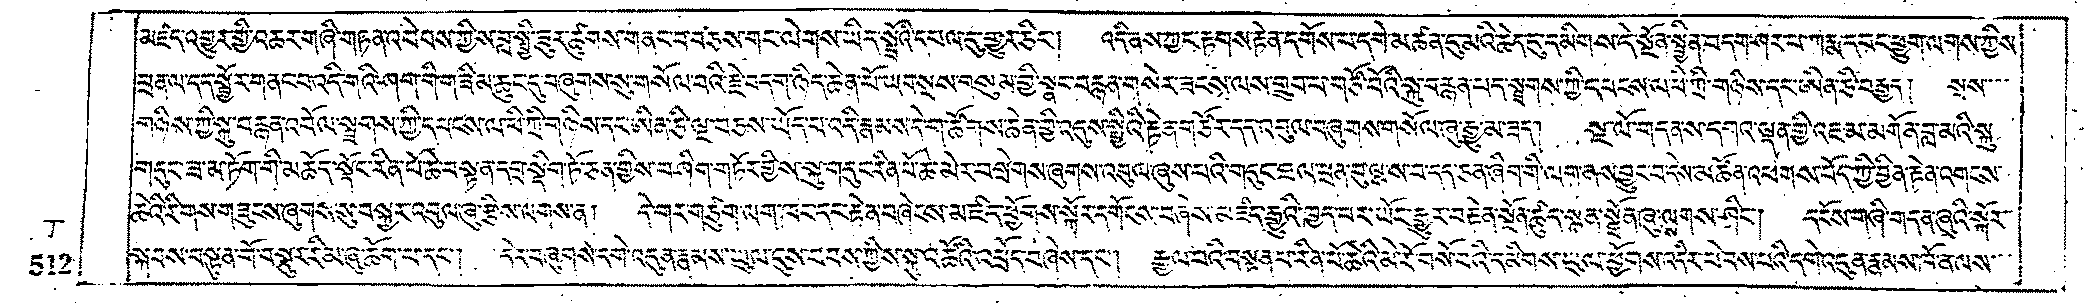མཛད་འགྱུར་གྱི་འཆར་གཞི་གཏན་འབེབས་ཀྱིས་བླ་སྤྱི་ཟུར་ཚུགས་གནང་བ་བཅས་གང་ལེགས་ཡིད་སྤྲོའི་དཔལ་དུ་གྱུར་ཅིང་། འདི་ནས་ཀྱང་རྟགས་རྟེན་དགོས་པ་དགེ་མཚན་དུ་མའི་ཆེད་དུ་དམིགས་དེ་སྔོན་སྦྱིན་བདག་ཤར་པ་ཀརྨ་དབང་ཕྱུག་ལགས་ཀྱིས་
ཕྲན་ལ་དད་སྦྱོར་གནང་བ་འདི་གའི་ཤག་གི་གཟིམ་ཆུང་དུ་བཞུགས་སུ་གསོལ་བའི་རྗེ་བདག་ཉིད་ཆེན་པོ་ཡབ་སྲས་གསུམ་གྱི་སྣང་བརྙན་གསེར་ཟངས་ལས་གྲུབ་པ་གཙོ་བོའི་སྐུ་བརྙན་པད་སྦྲགས་ཀྱི་དཔངས་ལ་ཕི་ཀྲི་གཉིས་དང་ཨིན་ཅི་བརྒྱད། སྲས་་་
གཉིས་ཀྱི་སྐུ་བརྙན་འབོལ་སྦྲགས་ཀྱི་དཔངས་ལ་ཕི་ཀྲི་གཉིས་དང་ཨིན་ཅི་ལྔ་བཅས་ཡོད་པ་འདི་རྣམས་དེ་ག་ཚོགས་ཆེན་གྱི་འདུས་སྤྱིའི་རྟེན་གཙོར་དད་འབུལ་བཞུགས་གསོལ་ཞུ་རྒྱུ་མ་ཟད། སྔ་ལོ་གདན་ས་དགའ་ལྡན་གྱི་འཇམ་མགོན་བླ་མའི་སྐུ་
གདུང་ཟ་མ་ཏོག་གི་མཆོད་སྡོང་རིན་པོ་ཆེ་བསྟན་དགྲ་སྡིག་ཏོ་ཅན་གྱིས་བཤིག་གཏོར་གྱིས་སྐུ་གདུང་རིན་པོ་ཆེ་མེར་བསྲེགས་ཞུགས་འབུལ་ཞུས་པའི་གདུང་ཐལ་ཕྲན་བུ་ལྷ་ས་བ་དད་ཅན་ཞིག་གི་ལག་ནས་བྱུང་བ་དེས་མཚོན་འཕགས་བོད་ཀྱི་བྱིན་རྟེན་འགངས་
ཆེའི་རིགས་གཟུངས་ཞུགས་སུ་བསྐྱར་འབུལ་ཞུ་རྩིས་ལགས་ན། དེ་གར་གཙུག་ལག་ཁང་དང་རྟེན་བཞེངས་མཛད་ཕྱོགས་སྐོར་དགོངས་བཞེས་མཛད་རྒྱུའི་ཁྱད་པར་ཡོང་རྒྱུར་བརྟེན་སྔོན་ཚུད་སྙན་སྒྲོན་ཞུས་ལགས་ཤིང་། དངོས་གཞི་གདན་ཞུའི་སྐོར་་་
སྐབས་བསྟུན་གོ་བསྡུར་རིམ་ཞུ་ཆོག་པ་དང་། དེར་བཞུགས་དགེ་འདུན་རྣམས་ཡུལ་དུས་བབས་ཀྱིས་སྐུ་འཚོའི་འཕྲོད་བཞེས་དང་། རྒྱལ་བའི་བསྟན་པ་རིན་པོ་ཆེའི་མེ་རོ་གསོ་བའི་དམིགས་ཡུལ་ཕྱོགས་འདིར་ཕེབས་པའི་དགེ་འདུན་རྣམས་ཁོ་ན་ལས་་་